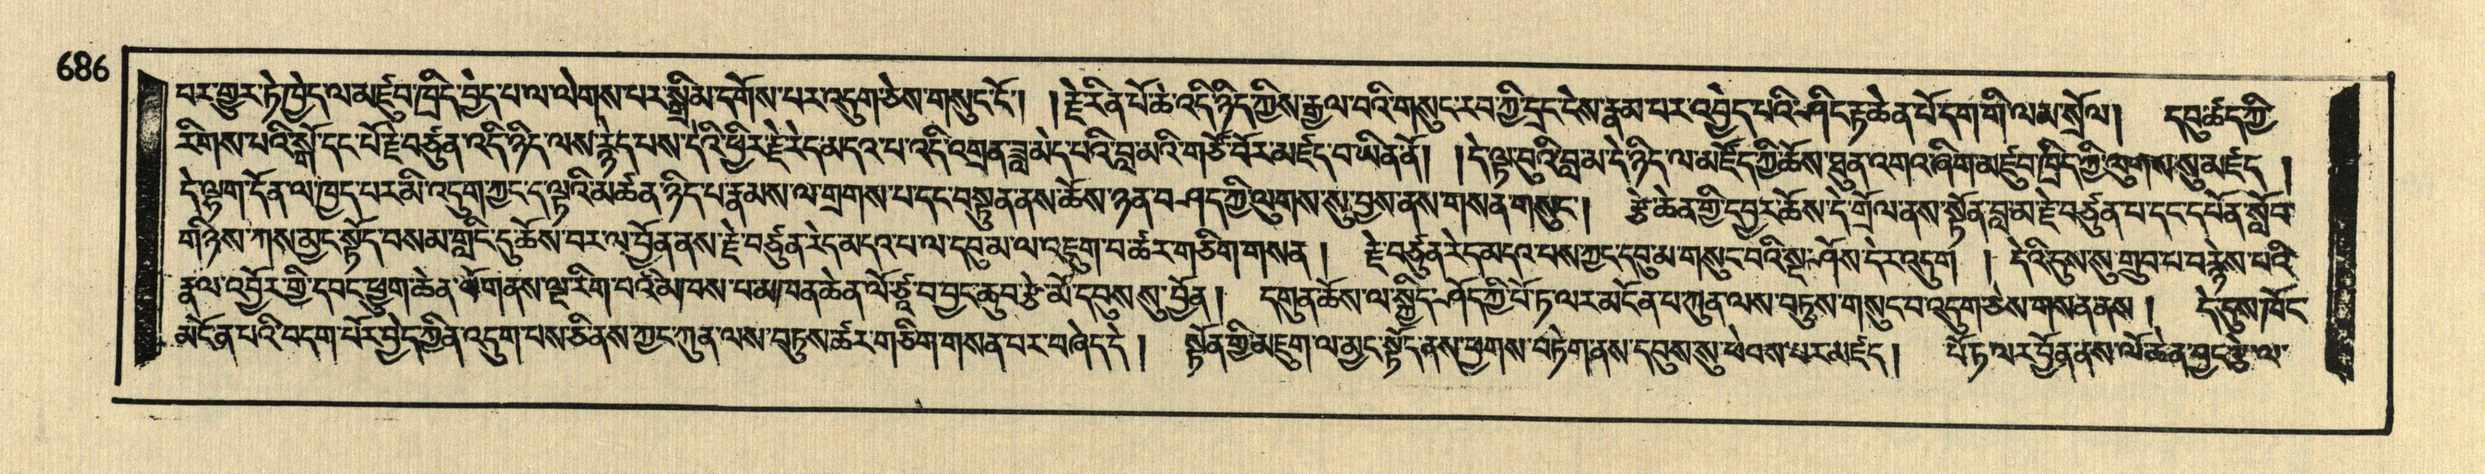པར་གྱུར་ཏེ་ཁྱེད་ལ་མཛུབ་ཁྲིད་བྱེད་པ་ལ་ལེགས་པར་སྒྲིམ་དགོས་པར་འདུག་ཅེས་གསུང་ངོ། །རྗེ་རིན་པོ་ཆེ་འདི་ཉིད་ཀྱིས་རྒྱལ་བའི་གསུང་རབ་ཀྱི་དྲང་ངེས་རྣམ་པར་འབྱེད་པའི་ཤིང་རྟ་ཆེན་པོ་དག་གི་ལམ་སྲོལ། དབུ་ཚད་ཀྱི་
རིགས་པའི་སྒོ་དང་པོ་རྗེ་བཙུན་འདི་ཉིད་ལས་རྙེད་པས་དེའི་ཕྱིར་རྗེ་རེད་མདའ་པ་འདི་འགྲན་ཟླ་མེད་པའི་བླ་མའི་གཙོ་བོར་མཛད་པ་ཡིན་ནོ། །དེ་ལྟ་བུའི་བླ་མ་དེ་ཉིད་ལ་མཛོད་ཀྱི་ཆོས་ཐུན་འགའ་ཞིག་མཛུབ་ཁྲིད་ཀྱི་ལུགས་སུ་མཛད།
དེ་ལྷག་དོན་ལ་ཁྱད་པར་མི་འདུག་ཀྱང་ད་ལྟའི་མཚན་ཉིད་པ་རྣམས་ལ་གྲགས་པ་དང་བསྟུན་ནས་ཆོས་ཉན་བཤད་ཀྱི་ལུགས་སུ་བྱས་ནས་གསན་གསུང་། རྩེ་ཆེན་གྱི་དབྱར་ཆོས་དེ་གྲོལ་ནས་སྟོན་བླ་མ་རྗེ་བཙུན་པ་དང་དཔོན་སློབ་
གཉིས་ཀས་མྱང་སྟོད་བསམ་གླིང་དུ་ཆོས་བར་ལ་བྱོན་ནས་རྗེ་བཙུན་རེད་མདའ་པ་ལ་དབུ་མ་ལ་འཇུག་བ་ཚར་གཅིག་གསན། རྗེ་བཙུན་རེད་མདའ་པས་ཀྱང་དབུ་མ་གསུང་བའི་སྔ་ཤོས་དེར་འདུག །དེའི་དུས་སུ་གྲུབ་པ་བརྙེས་པའི་
རྣལ་འབྱོར་གྱི་དབང་ཕྱུག་ཆེན་པོ་གནས་ལྔ་རིག་པའི་མཁས་པ་མཁན་ཆེན་ལོ་ཙཱ་བ་བྱང་ཆུབ་རྩེ་མོ་དབུས་སུ་བྱོན། དགུན་ཆོས་ལ་སྐྱིད་ཤོད་ཀྱི་པོ་ཏ་ལར་མངོན་པ་ཀུན་ལས་བཏུས་གསུང་བ་འདུག་ཅེས་གསན་ནས། དེ་དུས་ཁོང་
མངོན་པའི་བདག་པོར་བྱེད་ཀྱིན་འདུག་པས་ཅི་ནས་ཀྱང་ཀུན་ལས་བཏུས་ཚར་གཅིག་གསན་པར་བཞེད་དེ། སྟོན་གྱི་མཇུག་ལ་མྱང་སྟོད་ནས་ཕྱོགས་བཏེག་ནས་དབུས་སུ་ཕེབས་པར་མཛད། པོ་ཏ་ལར་བྱོན་ནས་ལོ་ཆེན་བྱང་རྩེ་ལ་